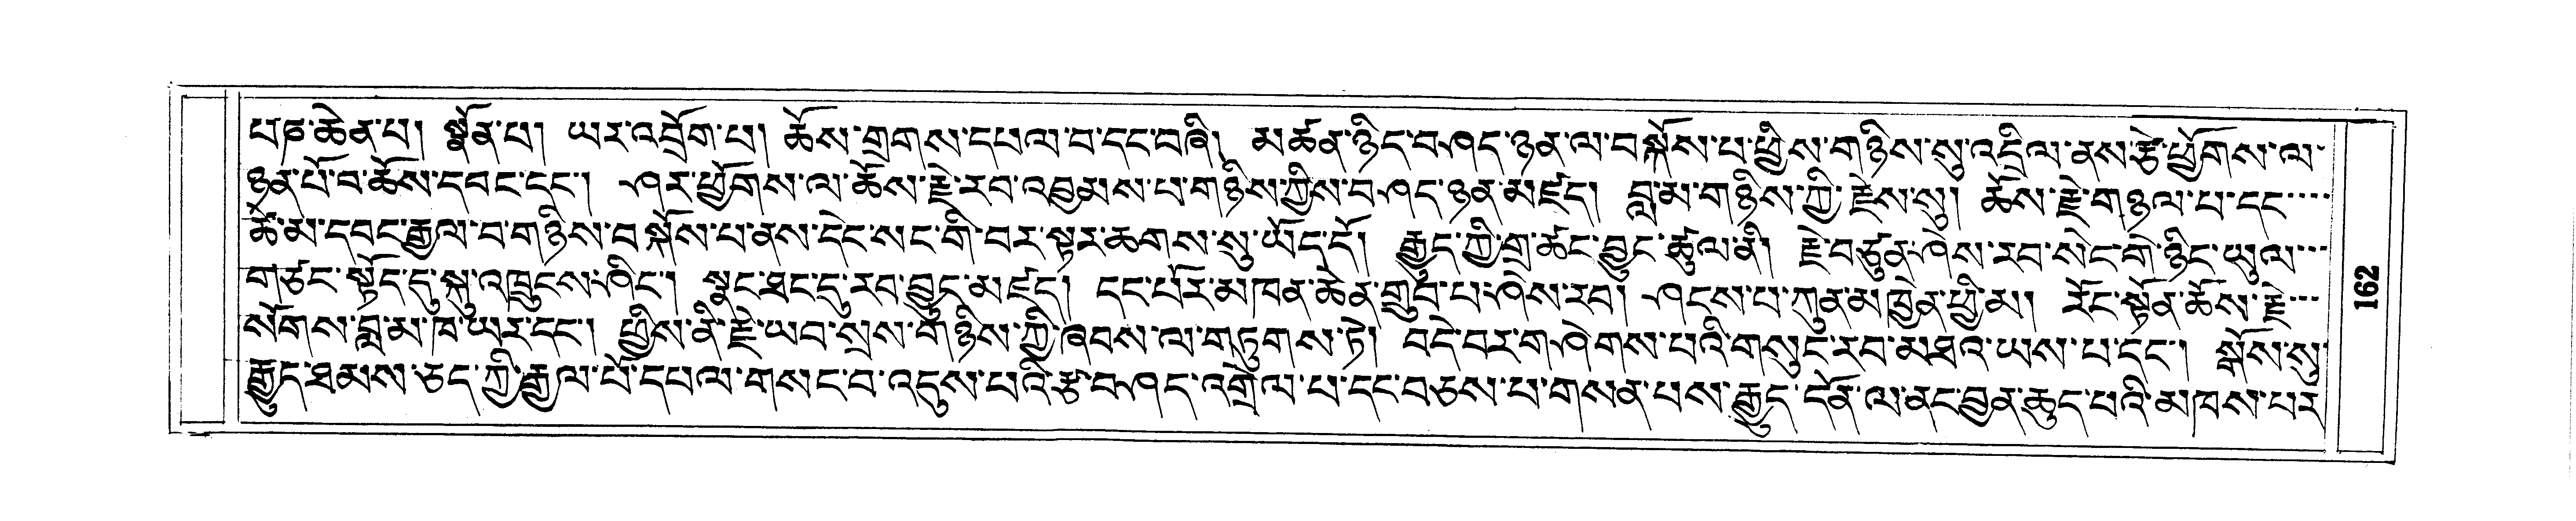པཎ་ཆེན་པ། སྣོན་པ། ཡར་འབྲོག་པ། ཆོས་གྲགས་དཔལ་བ་དང་བཞི། མཚན་ཉིད་བཤད་ཉན་ལ་བསྐོས་པ་ཕྱིས་གཉིས་སུ་འདྲིལ་ནས་རྩེ་ཕྱོགས་ལ་
ཉན་པོ་བ་ཆོས་དབང་དང་། ཤར་ཕྱོགས་ལ་ཆོས་རྗེ་རབ་འབྱམས་པ་གཉིས་ཀྱིས་བཤད་ཉན་མཛད། བླ་མ་གཉིས་ཀྱི་རྗེས་སུ། ཆོས་རྗེ་གཉལ་པ་དང་
ཚེ་མ་དབང་རྒྱལ་བ་གཉིས་བསྐོས་པ་ནས་དེང་སང་གི་བར་སྟར་ཆགས་སུ་ཡོད་དོ། རྒྱུད་ཀྱི་གྲ་ཚང་བྱུང་ཚུལ་ནི། རྗེ་བཙུན་ཤེས་རབ་སེང་གེ་ཉིང་ཡུལ་
གཙང་སྟོད་དུ་སྐུ་འཁྲུངས་ཤིང་། སྣང་ཐང་དུ་རབ་བྱུང་མཛད། དང་པོར་མཁན་ཆེན་གྲུབ་པ་ཤེས་རབ། ཤངས་པ་ཀུན་མཁྱེན་ཕྱི་མ། རོང་སྟོན་ཆོས་རྗེ་
སོགས་བླ་མ་ཁ་ཡར་དང་། ཕྱིས་ནི་རྗེ་ཡབ་སྲས་གཉིས་ཀྱི་ཞབས་ལ་གཏུགས་ཏེ། བདེ་བར་གཤེགས་པའི་གསུངས་རབ་མཐའ་ཡས་པ་དང་། སོགས་སུ་
རྒྱུད་ཐམས་ཅད་ཀྱི་རྒྱལ་པོ་དཔལ་གསང་བ་འདུས་པའི་རྩ་བཤད་འགྲེལ་པ་དང་བཅས་པ་གསན་པས་རྒྱུད་དོན་ལ་ནང་བྱང་ཆུད་པའི་མཁས་པར་